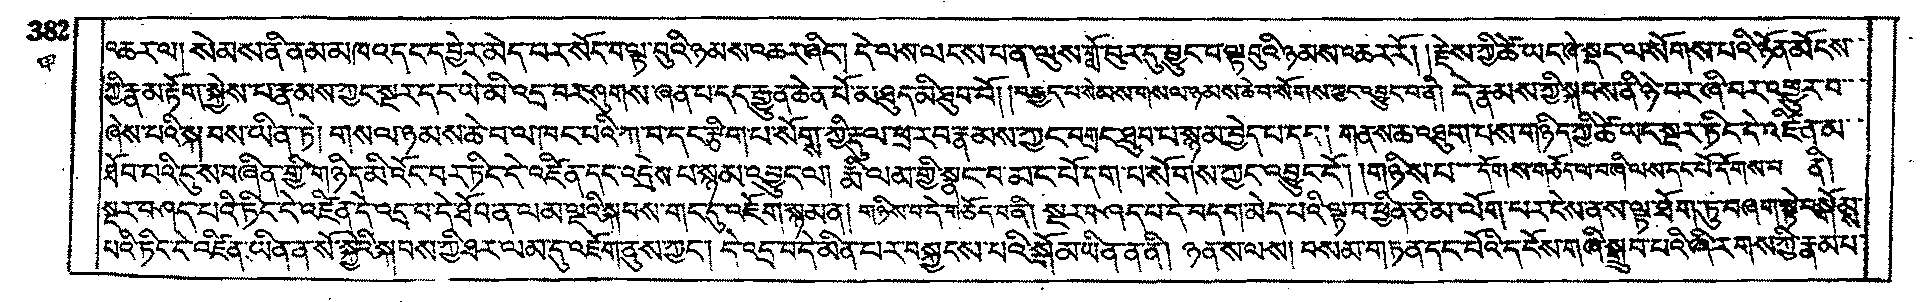འཆར་ལ། སེམས་ནི་ནམ་མཁའ་དང་དབྱེར་མེད་པར་སོང་བ་ལྟ་བུའི་ཉམས་འཆར་ཞིང་། དེ་ལས་ལངས་པ་ན་ལུས་གློ་བུར་དུ་བྱུང་བ་ལྟ་བུའི་ཉམས་འཆར་རོ། །རྗེས་ཀྱི་ཚེ་ཡང་ཞེ་སྡང་ལ་སོགས་པའི་ཉོན་མོངས་
ཀྱི་རྣམ་རྟོག་སྐྱེས་པ་རྣམས་ཀྱང་སྔར་དང་ཡེ་མི་འདྲ་བར་ཤུགས་ཞན་པ་དང་རྒྱུན་ཆེན་པོ་མཐུད་མི་ཐུབ་བོ། །བརྒྱད་པ་སེམས་གསལ་ཉམས་ཆེ་བ་སོགས་ཀྱང་འབྱུང་བ་ནི།  དེ་རྣམས་ཀྱི་སྐབས་ནི་ཉེ་བར་ཞི་བར་འགྱུར་བ་
ཞེས་པའི་སྐབས་ཡིན་ཏེ། གསལ་ཉམས་ཆེ་བ་ལ་ཁང་པའི་ཀ་བ་དང་རྩིག་པ་སོགས་ཀྱི་རྡུལ་ཕྲ་རབ་རྣམས་ཀྱང་བགྲང་ཐུབ་པ་སྙམ་བྱེད་པ་དང་། གནས་ཆ་འཐུག་པས་གཉིད་ཀྱི་ཚེ་ཡང་སྔར་ཏིང་ངེ་འཛིན་མ་
ཐོབ་པའི་དུས་བཞིན་གྱི་གཉིད་མི་འོང་བར་ཏིང་ངེ་འཛིན་དང་འདྲེས་པ་སྙམ་འབྱུང་ལ། རྨི་ལམ་གྱི་སྣང་བ་མང་པོ་དག་པ་སོགས་ཀྱང་བྱུང་ངོ། །གཉིས་པདོགས་གཅོད་ལ་བཞི་ལས་དང་པོ་དོག་པནི།
སྔར་བཤད་པའི་ཏིང་ངེ་འཛིན་དེ་འདྲ་བ་དེ་ཐོབ་ན་ལམ་ལྔའི་སྐབས་གང་དུ་འཇོག་སྙམ་ན། གཉིས་པ་དེ་གཅོད་པ་ནི།  སྔར་བཤད་པ་དེ་བདག་མེད་པའི་ལྟ་བ་ཕྱིན་ཅི་མ་ལོག་པར་ངེས་ནས་ལྟ་ཐོག་ཏུ་བཞག་སྟེ་བསྒོམས་
པའི་ཏིང་ངེ་འཛིན་ཡིན་ན་སོ་སྐྱེའི་སྐབས་ཀྱི་ཐར་ལམ་དུ་འཇོག་ནུས་ཀྱང་། དེ་འདྲ་བ་དེ་མིན་པར་བསྐྱངས་པའི་སྒོམ་ཡིན་ན་ནི། ཉན་ས་ལས། བསམ་གཏན་དང་པོའི་དངོས་གཞི་སྒྲུབ་པའི་ཞི་རགས་ཀྱི་རྣམ་པ་